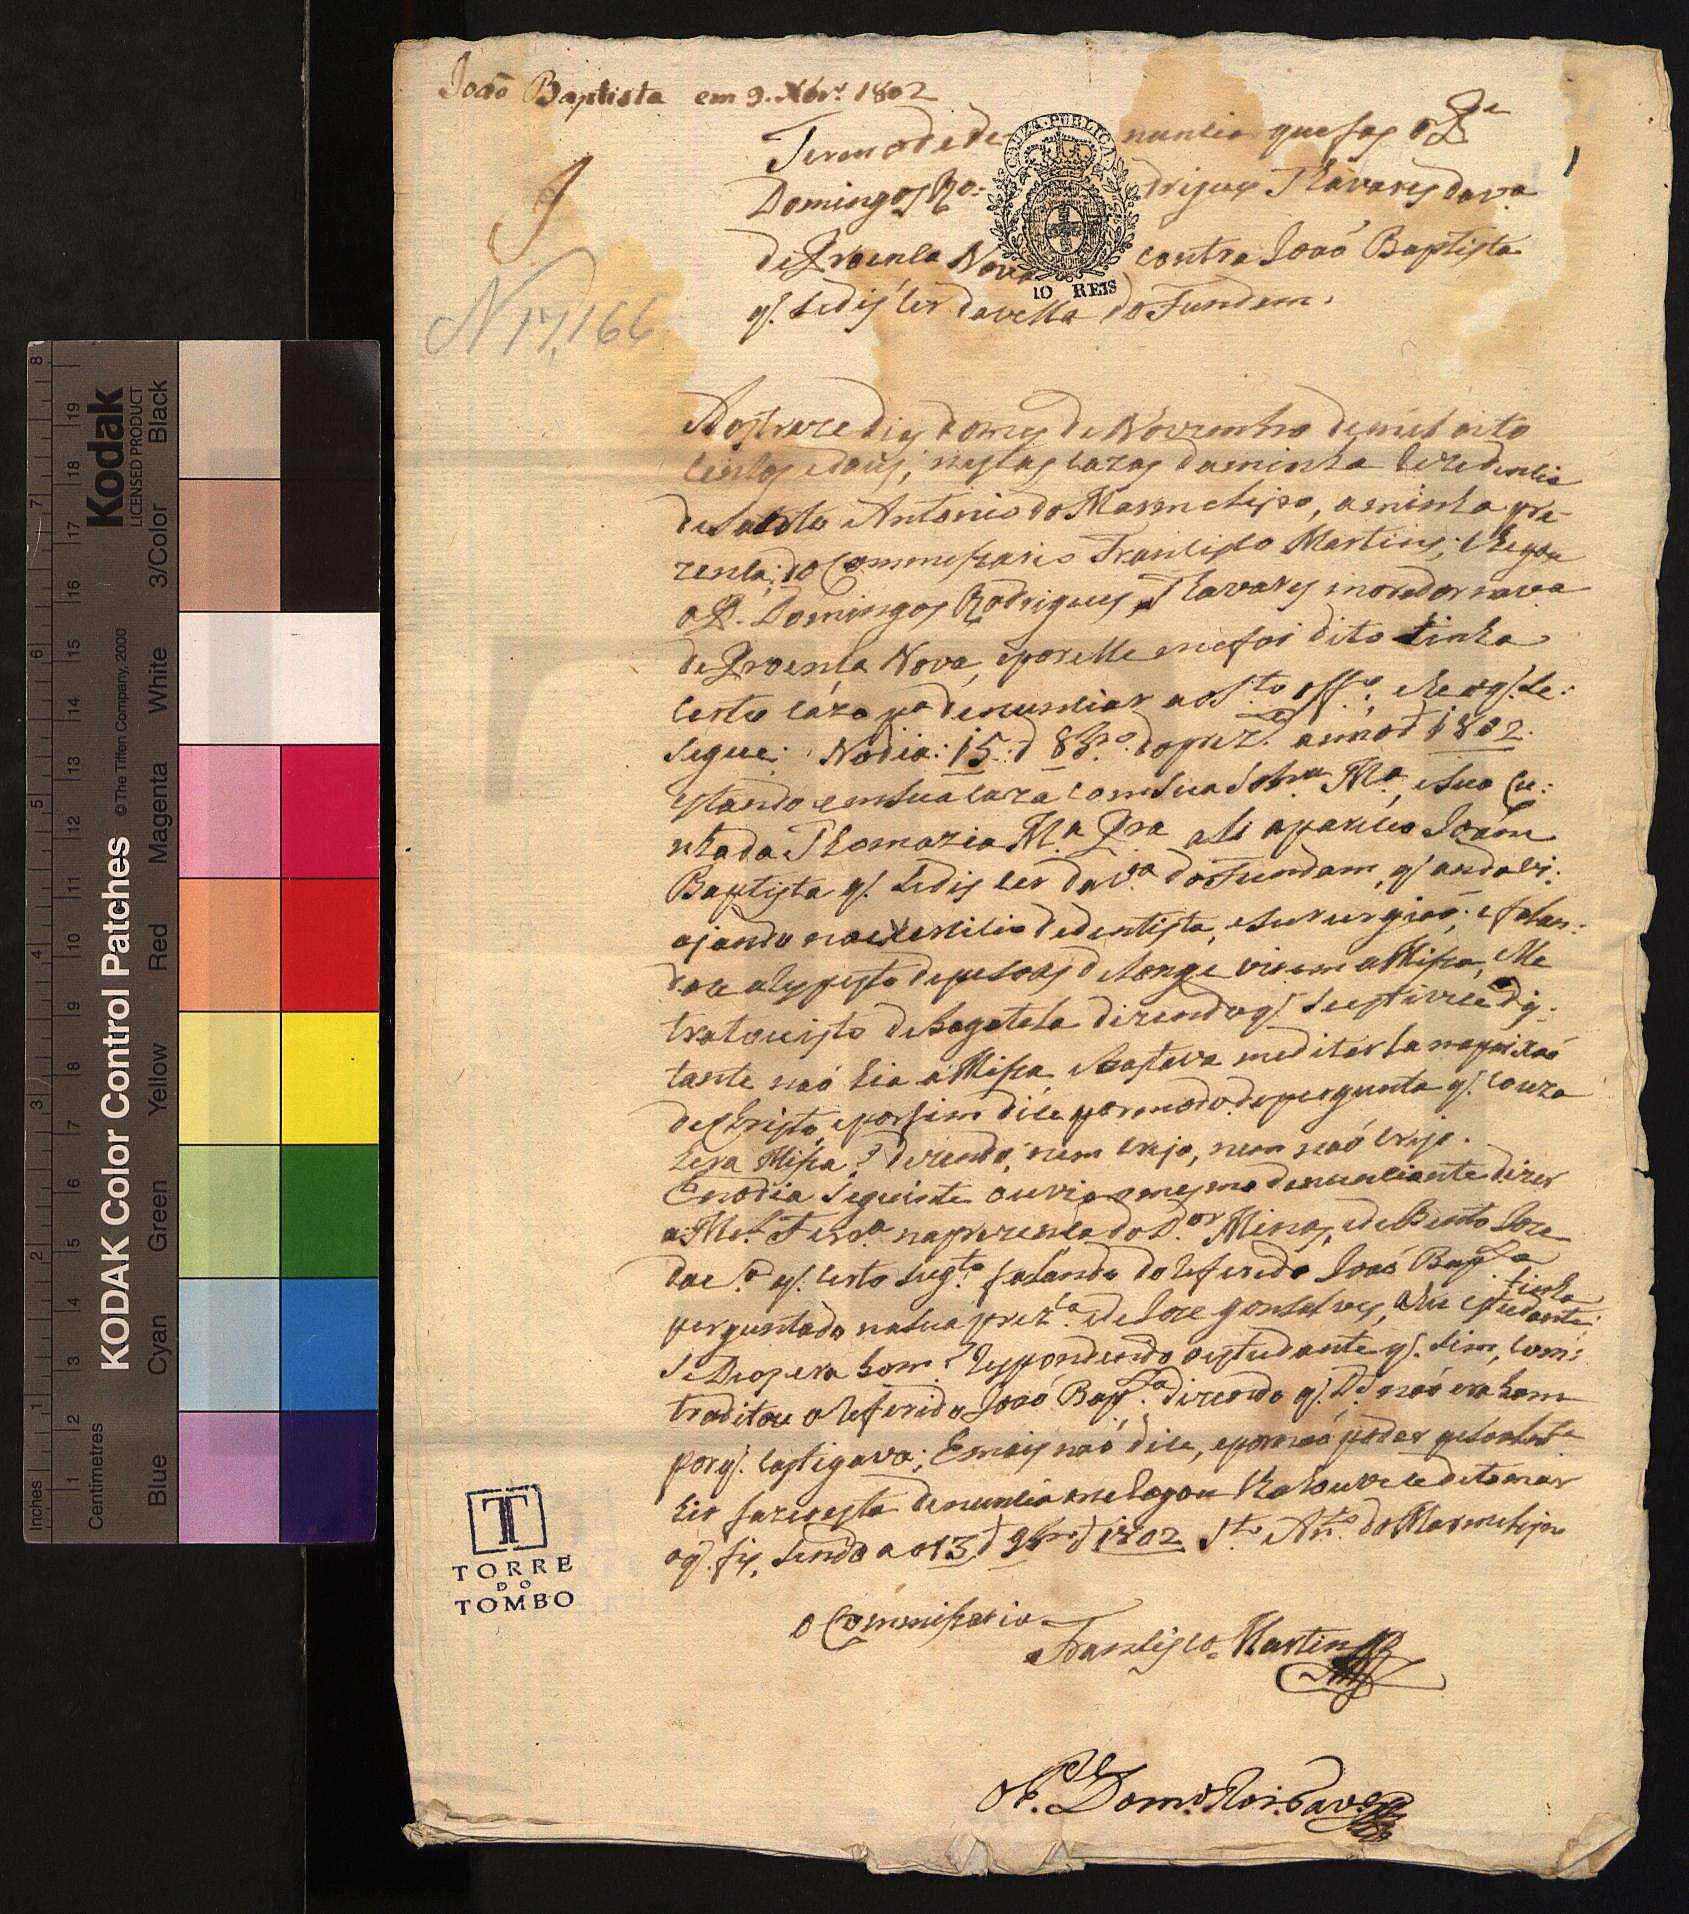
Ioaõ Baptista em 9. Nbr.o 1802
Termo da de
nuncia que fas o P.e
Domingos Ro
drigues Thavares da v.a
de Proença Nova
contra Ioaõ Baptista
q̄ se dis ser da villa do Fundam.
Aos treze dias do mes de Novembro de mil oito
centos e dous, nestas cazas da minha rezedencia
de Santo Antonio do Marmeleiro, a minha pre
zença; do Commissario Francisco Martins; chegou
o P. Domingos Rodrigues Thavares morador na v.a
de Proença Nova, e por elle me foi dito tinha
certo cazo p.a denunciar ao S.to Off.o e he o q̄ se
segue: No dia i5 d 8b.ro do prez.te anno d̄ i802.
estando em sua caza com sua sobr.a M.a, e sua Cu
nhada Thomazia M.a P.ra, ali apareceo Ioam
Baptista q̄ se dis ser da V.a do Fundam, q̄ anda vi
ajando no exercicio de dentista, e serurgiaõ, e falan
dose a Respeito de pesoas de longe virem a Missa, elle
tratou isto de bagatela dizendo q̄ se estivece dis
tante naõ hia a Missa, e bastava meditarla na paixaõ
de Christo, e por fim dice por modo de pergunta q̄ couza
hera Missa? dezendo, nem crejo, nem naõ crejo
E no dia seguinte ouvio o mesmo denunciante dizer
a M.el Ferr.a na prezença do D.or Minas, e de Bento Ioze
da S.a q̄ certo sug.to falando do Referido Ioaõ Bap.ta
tinha
perguntado na sua prez.ça e de Ioze Gonsalves, a hū estudante
se Deos era bom? Respondendo o estudante q̄ sim, com
traditou o Referido Joaõ Bap.ta dizendo q̄ D.s naõ era bom
porq̄ castigava; E mais naõ dice, e por naõ poder pesoalm.te
hir fazer esta denuncia me Rogou lha houvese de tomar
o q̄ fis, sendo aos 13 d̄ 9bro d̄ 1802. S.to An.to de Marmelejo
o Commissario
Francisco Martins O R.o Dom.os Rois Tav.es
